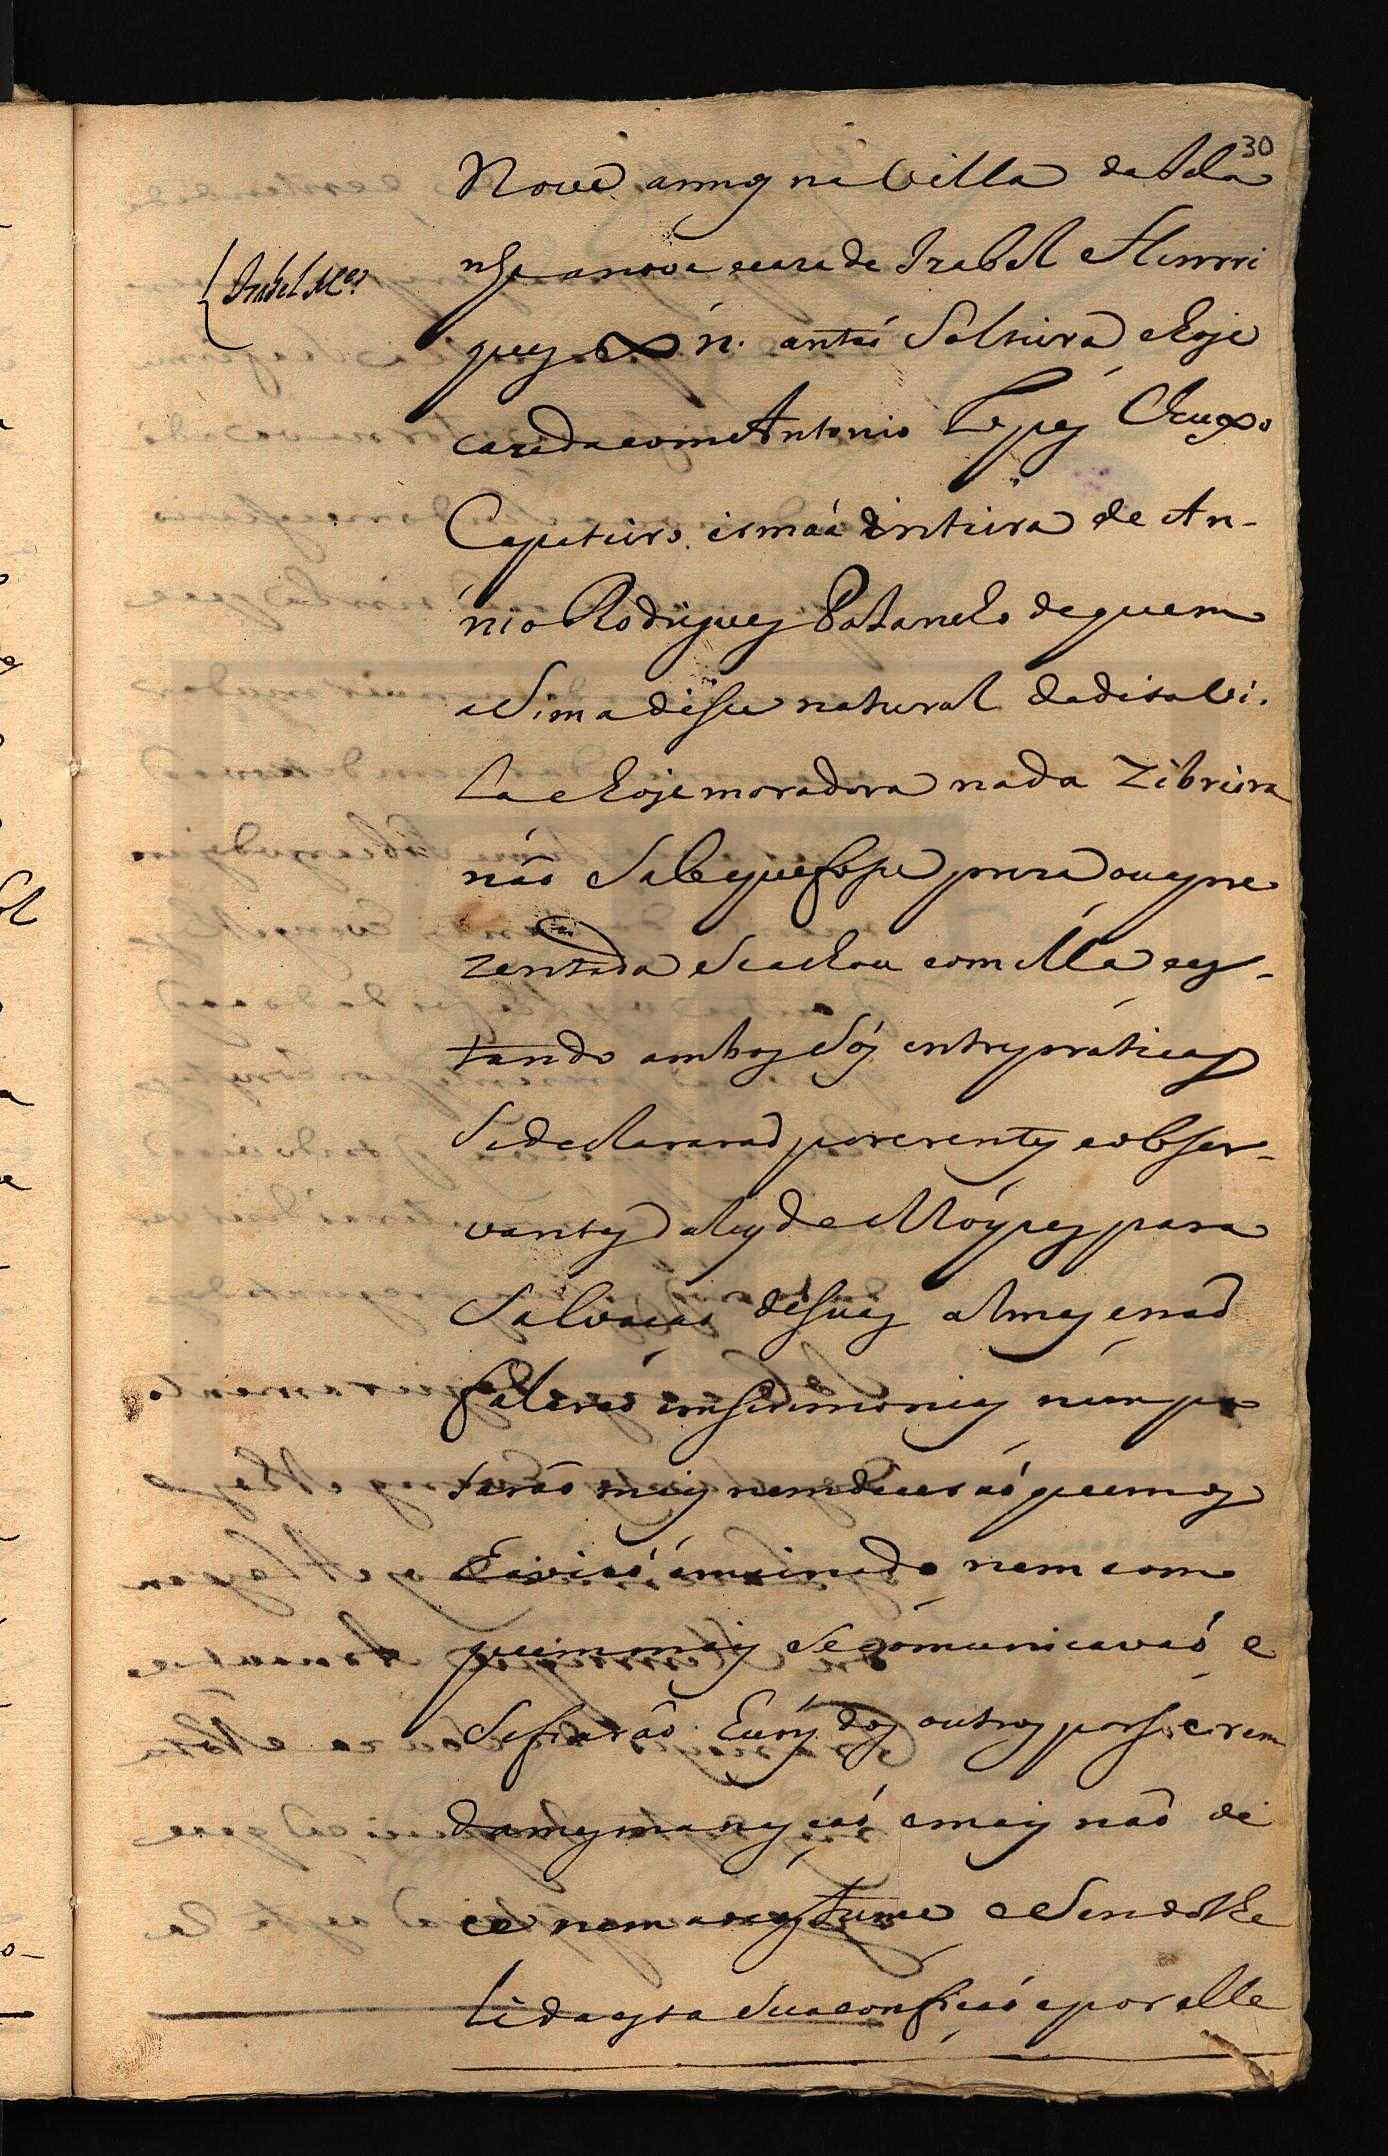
Nove annos na villa de Ida
nha a nova e caza de Izabel Henrri
Izabel H.es
ques xn. antaõ Solteira, e hoje
cazada com Antonio Lopes Chuxo
Çapateiro irmaã inteira de An
nio Rodrigues Palancho de quem
aSima disse natural da dita vi
La e hoje moradora na da Zibreira
não Sabe que fosse preza, ou apre
zentada, se achou com ella e es
tando ambos sós entre praticas
se declararaõ por crentes e obser
vantes da ley de Moyzes para
Salvaçaõ de suas almas e naõ
falaraõ em seremonias nem pa
saraõ mais nem diceraõ quem os
haviaõ emsinado, nem com
quem mais se comunicavaõ, e
se fiaraõ huns dos outros por serem
da mesma nasçaõ e mais naõ di
ce nem ao costume, e Sendo lhe
Lida esta sua confiçaõ e por elle
